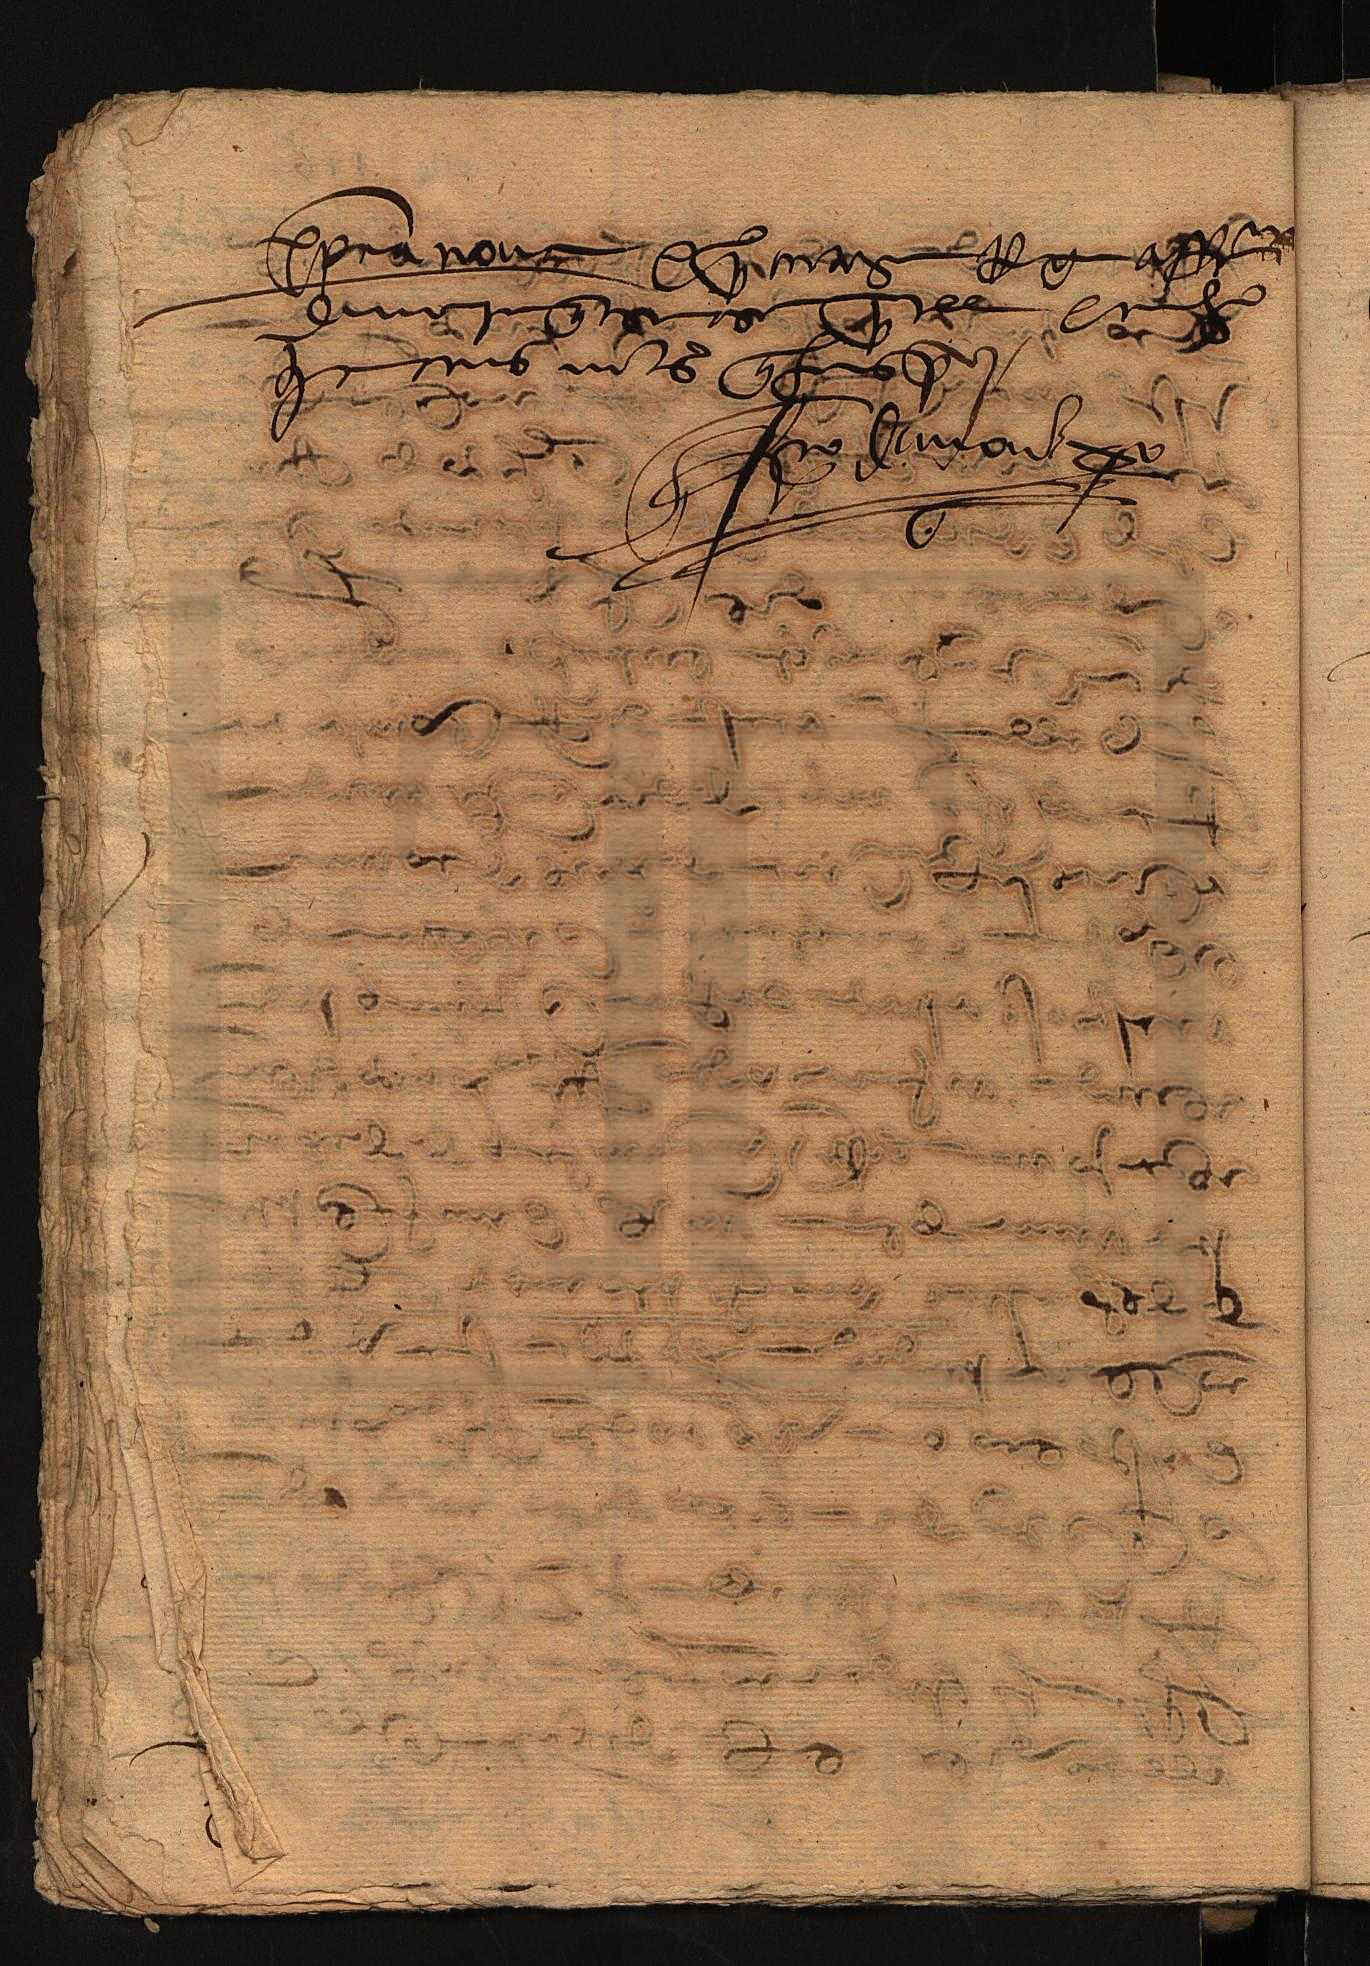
x̄paa noua e p̄o certeza Rogou a ffrco
de moura q̄ asinase p̄o ell e eu djo
trauaços notro q̄ ho sp̄vj
frco de moura
